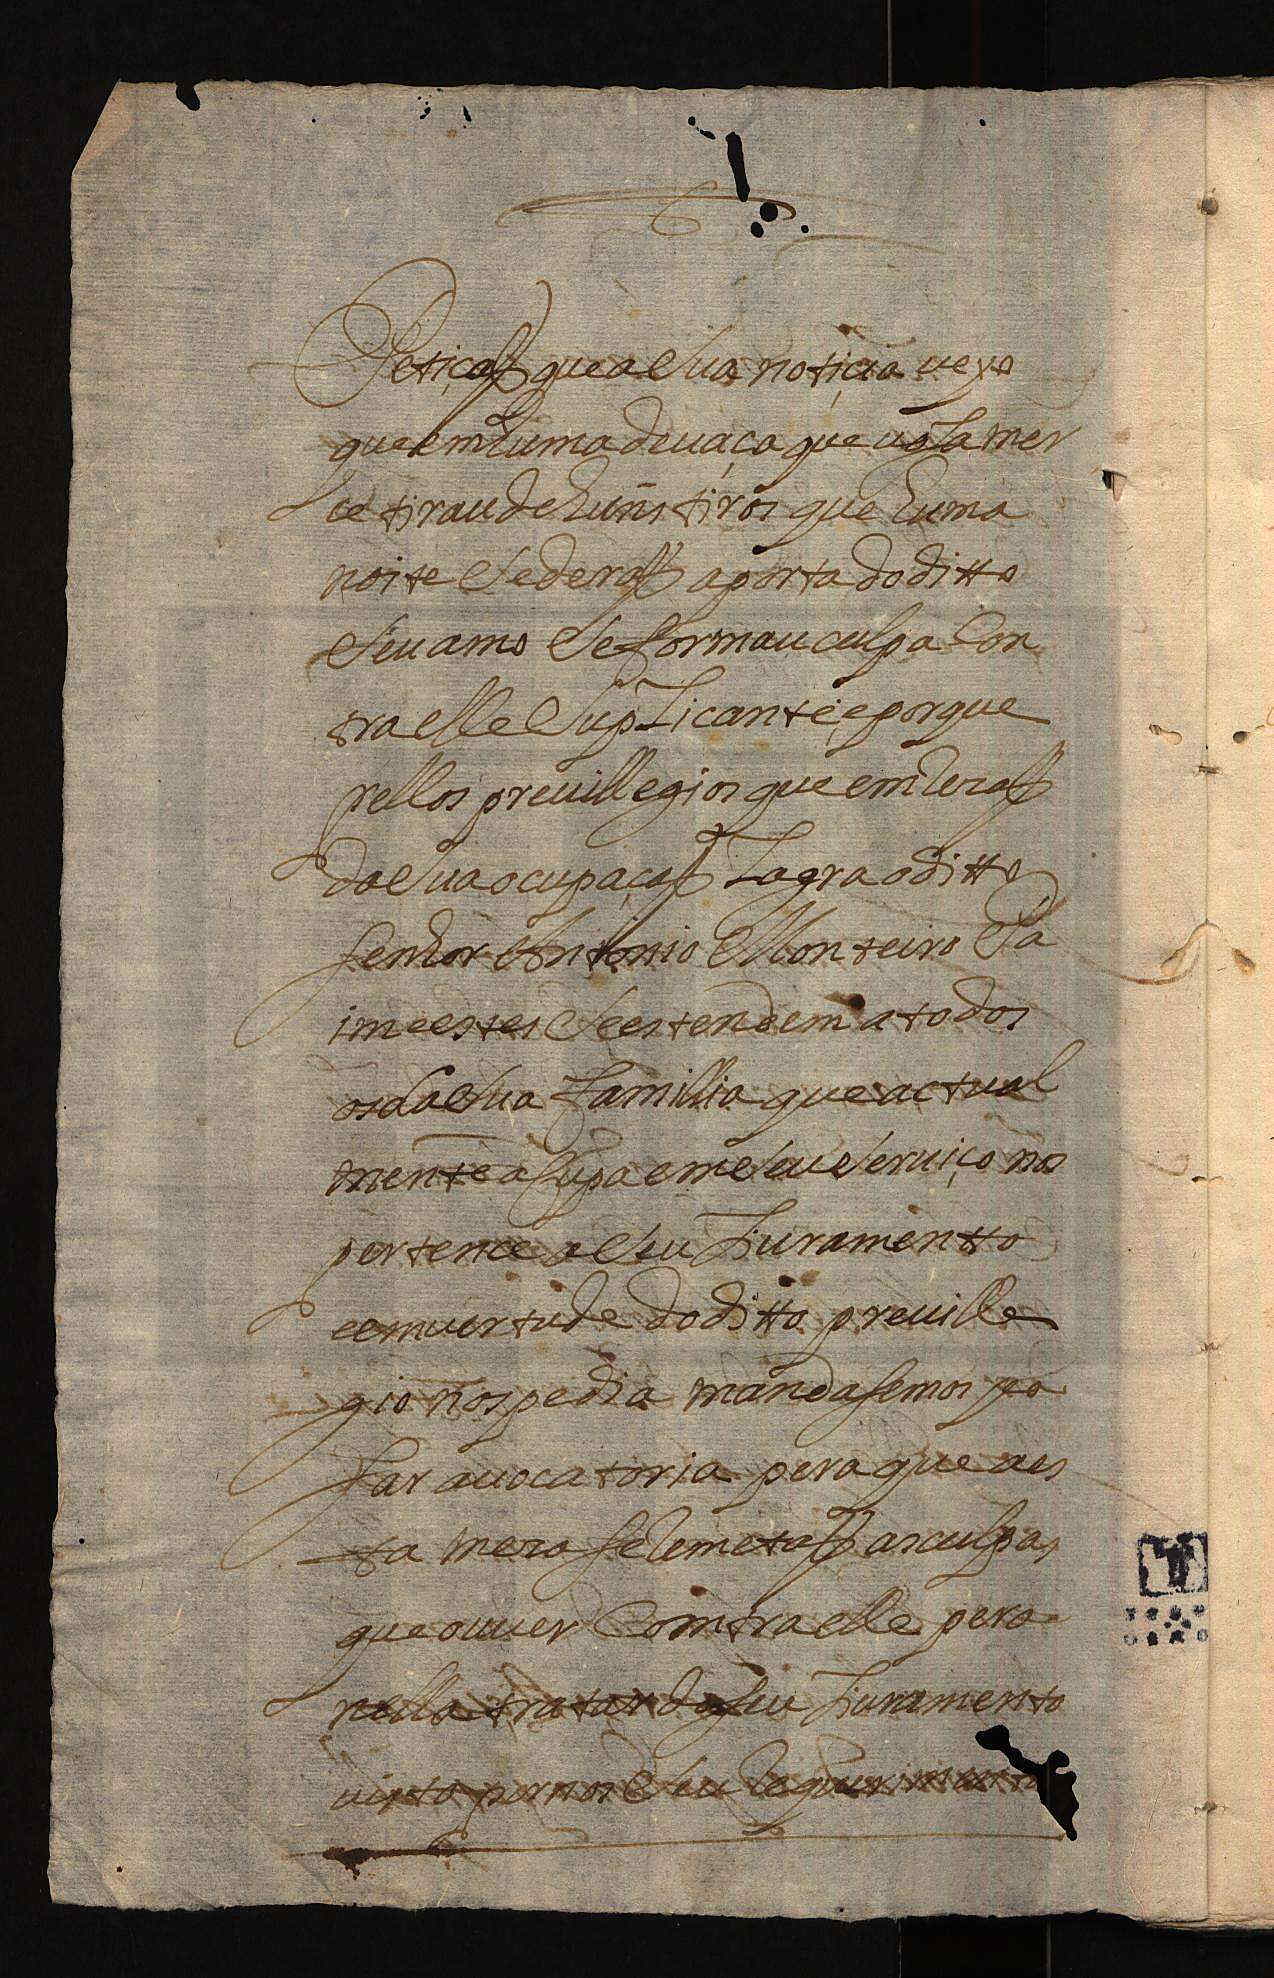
Petiçaõ que a sua noticia ueyo
que em huma deuaça que uosa mer
ce tirou de hun̄s tiros que huma
noite se deraõ a porta do ditto
seu amo se formou culpa con
tra elle supLicante; e porque
pellos preuillegios que em Rezaõ
da Sua ocupaçaõ Logra o ditto
senhor Antonio Monteiro Pa
im e estes se estendem a todos
os da sua famillia que actual
mente oCupa em seu seruiço nos
pertence o seu Liuramentto
e em uertude do ditto preuille
gio nos pedia mandasemos pa
sar auocatoria pera que a es
ta meza se Remetaõ as culpas
que ouuer Comtra elle pera
nella tratar do seu Liuramento
uisto por nos seu Requerimento
